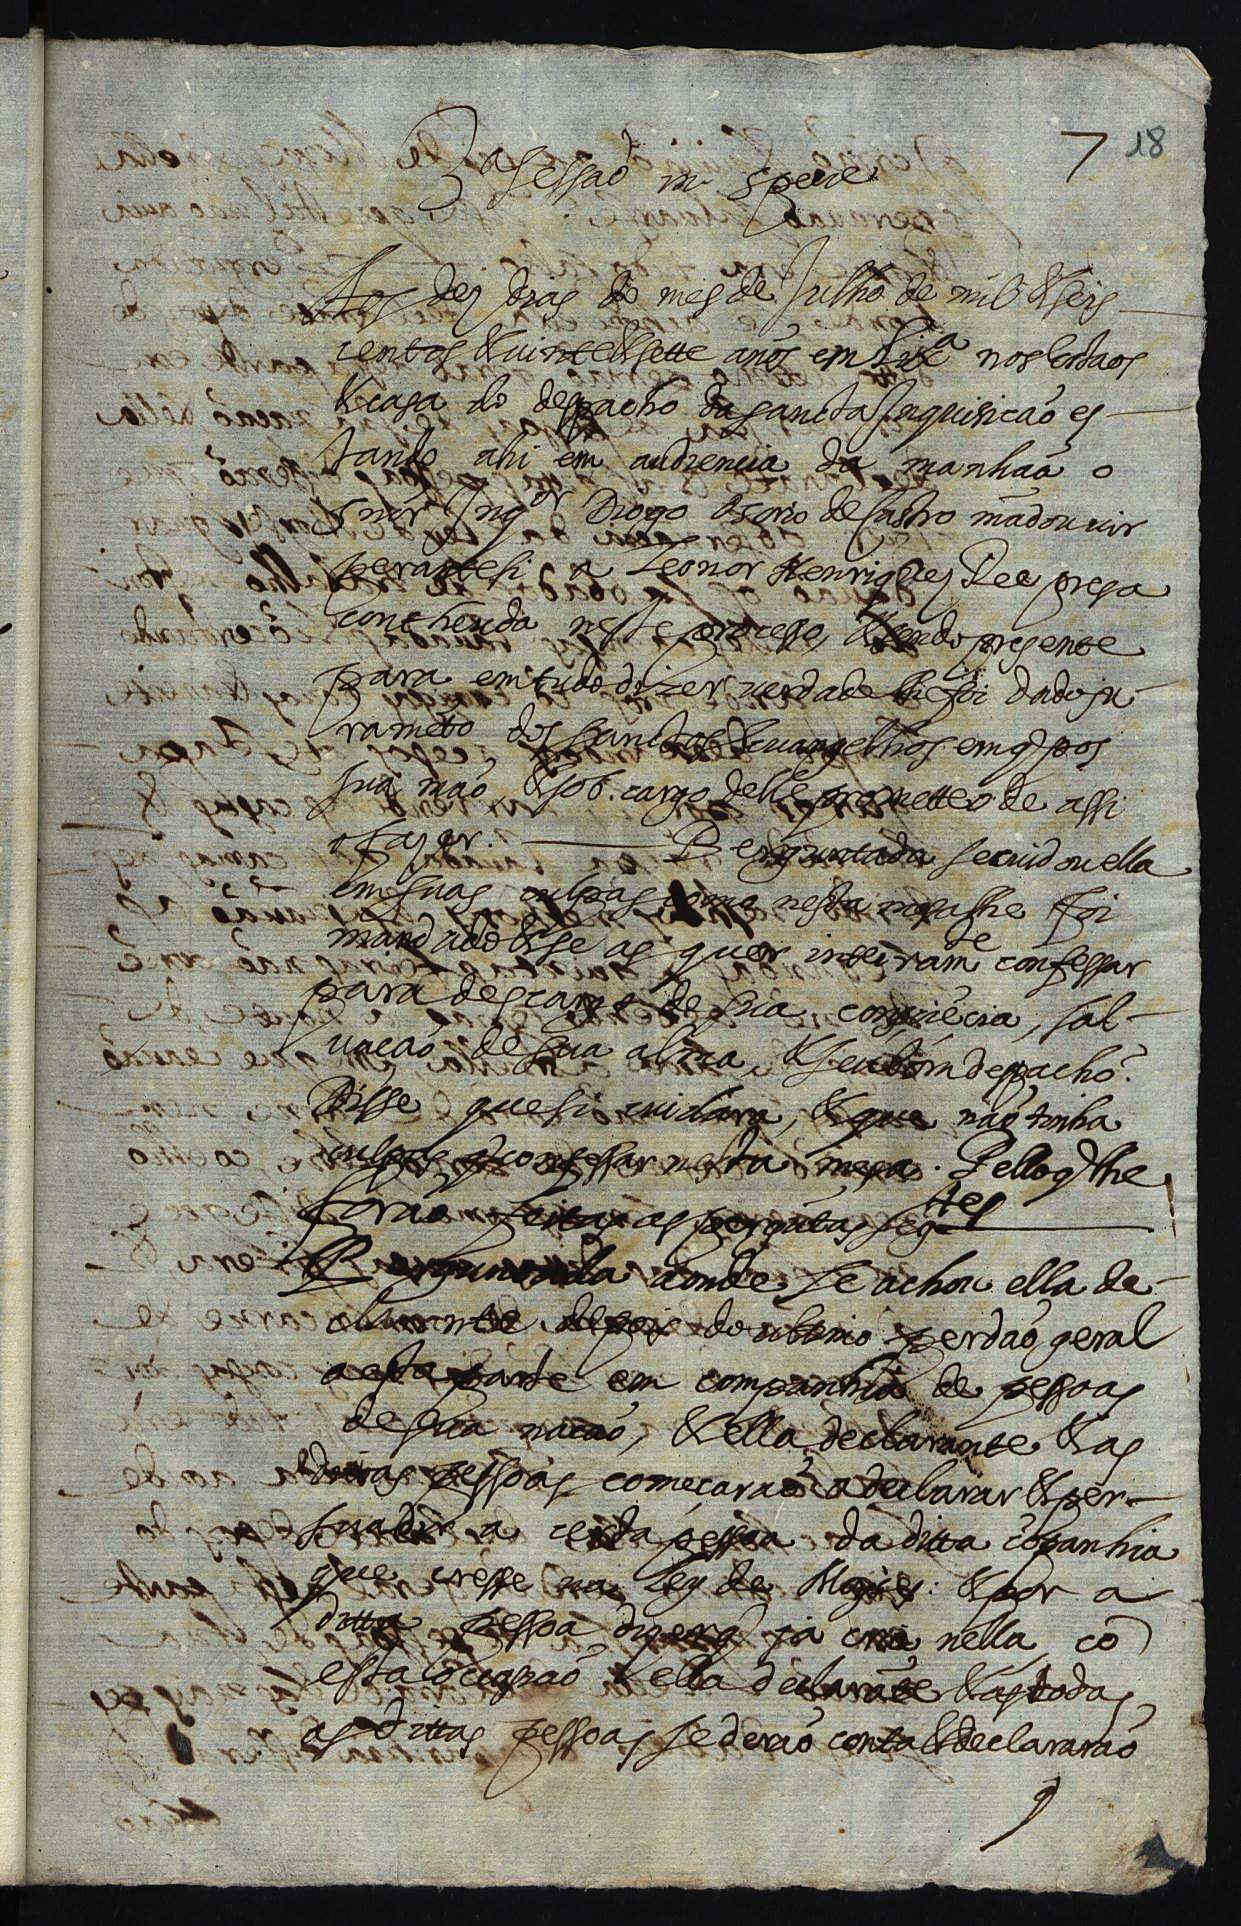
3a sessaõ in specie
Aos dez dias do mes de Julho de mil & seis
centos & uinte & sette anōs em Lixa nos Estaos
& casa do despacho da sancta Jnquisiçaõ es
tando ahi em audiencia da manhaã o
Snōr Jnqor Diogo Osorio de Castro mādou uir
perante si a Leonor Henriquez Ree presa
contheuda neste processo, & sendo presente
para em tudo dizer uerdade lhe foi dado ju
ramēto dos sanctos Euangelhos em q̄ pos
sua maõ, & sob cargo delle prometteo de assi
o fazer.
Perguntada se cuidou ella
em suas culpas como nesta mesa lhe foi
mandado & se as quer inteiramte confessar
para descargo de sua consciēcia, sal
uaçaõ de sua alma, & seu bom despacho?
Disse que si cuidara, & que naõ tinha
culpas q̄ confessar nesta mesa. Pello q̄ lhe
foraõ feitas as pergūtas segtes
Perguntada aonde se achou ella de
clarante depois do ultimo perdaõ geral
a esta parte em companhia de pessoas
de sua naçaõ, & ella declarante & as
dittas pessoas começaraõ a declarar & per
suadir a certa pessoa da ditta cōpanhia
que cresse na Ley de Moyses: & por a
ditta pessoa dizer q̄ ja cria nella cō
esta occasiaõ ella declarāte & a todas
dittas pessoas se deraõ conta & declararaõ
